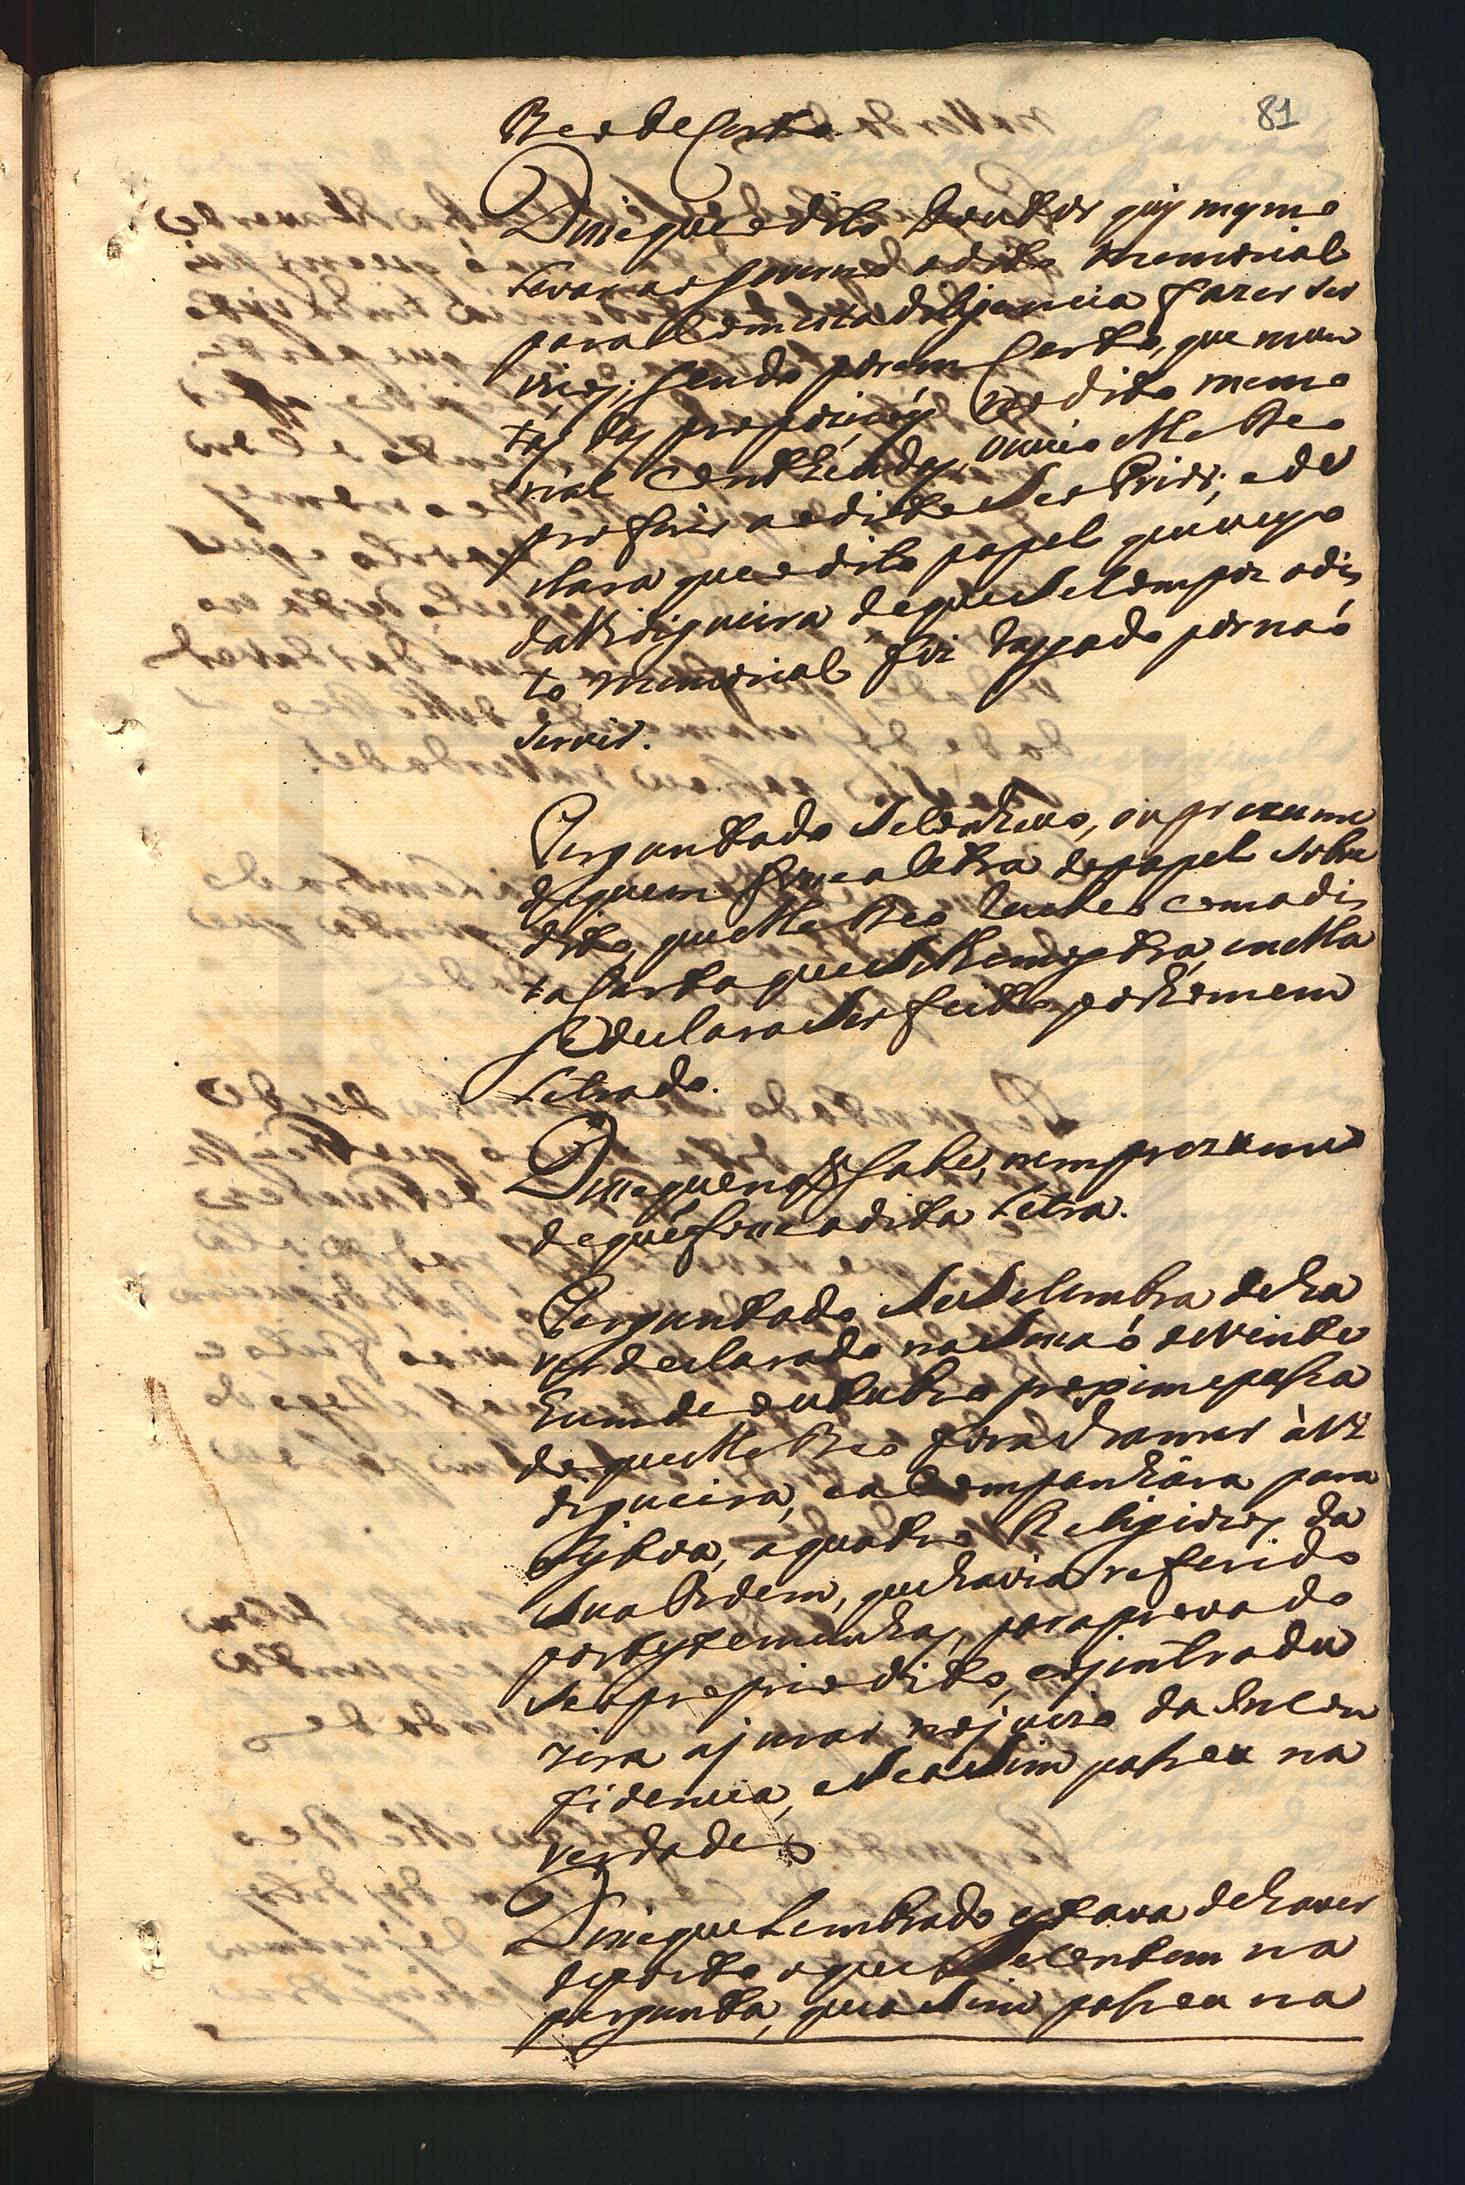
Reo de Certo
Disse que o dito Doutor quis mesmo
levar ao Governo o dito Memorial
para com esta diligencia fazer ser
viços; sendo porem Certo, que mun
tas das propoziçoẽs no dito memo
rial contheudas, ouuio elle Reo
proferir ao ditto Seo Prior; e de
clara que o dito papel que veyo
da Vidigueira de que Se compoz o di
to memorial foi rasgado por naõ
servir.
Perguntado se conheceo, ou prezume
de quem fosse a letra do papel sobre
dito, que elle Reo Recebeo com a di
ta Carta que Se lhe mostra, e nella
se declara ser feitto por homem
letrado.
Disse que naõ sabe, nem prezume
de quē fosse a dita Letra.
Perguntado Se Se lembra de ha
ver declarado na Sessaõ de vinte
hum de outubro proxime passa
do que elle Reo fora chamar à Vi
digueira, e acompanhara para
Lisboa, a quatro Religiozos da
sua Ordem, que havia referido
por testemunhas, para prova do
seo proprio dito, e os introdu
zira a jurar no juizo da Incon
fidencia, e se asim passou na
verdade
Disse que Lembrado estava de haver
deposto o que se contem na
pergunta, que asim passou na
